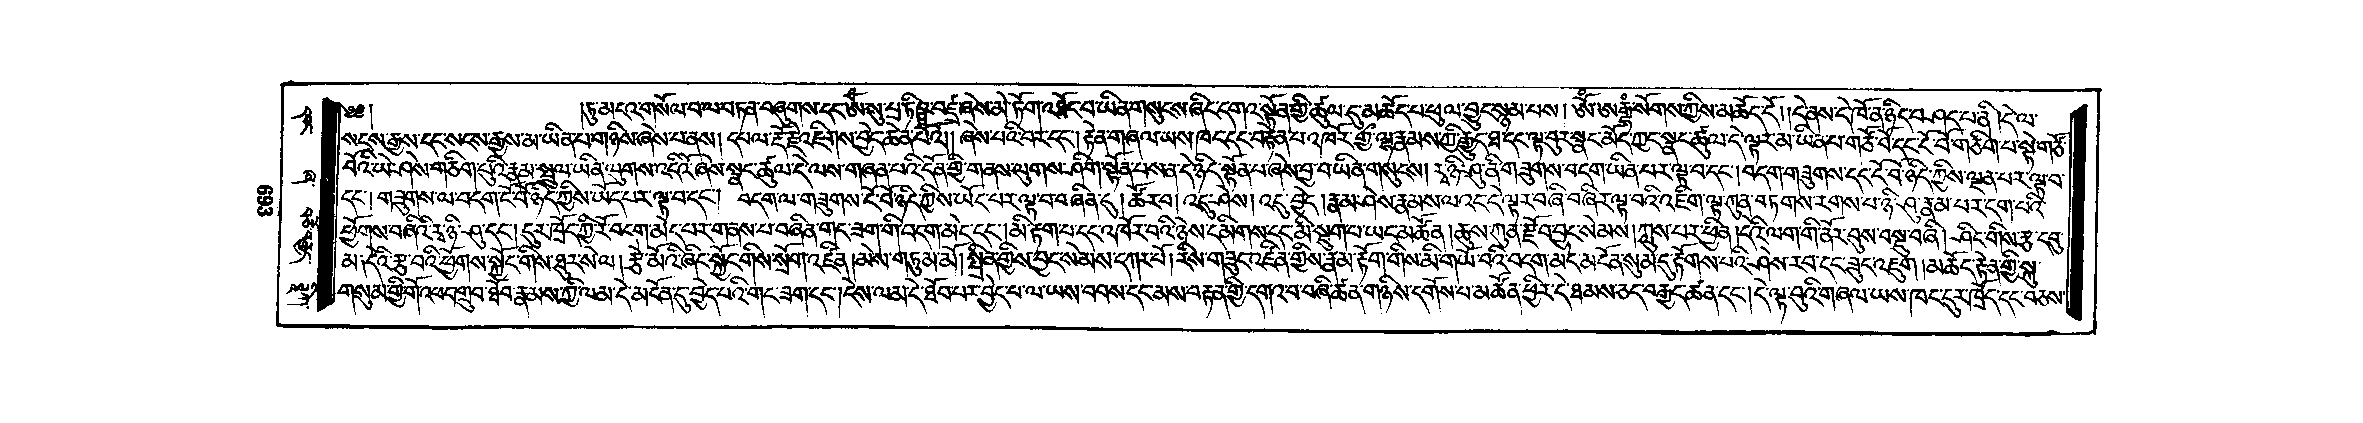༄༅། །ཏུ་མངའ་གསོལ་བ་ལ་བཏན་བཞུགས་དང་ཨོཾ་སུ་པྲ་ཏིཥ་བྫྲ་ཞེས་མེ་ཏོག་འཐོང་བ་ཡིན་གསུངས་ཞིང་དགའ་སྟོན་གྱི་ཚུལ་དུ་མཆོད་པ་ཕུལ་བྱུང་སྙམ་པས། ཨོཾ་ཨརྒྷཾ་སོགས་ཀྱིས་མཆོད་དོ། །དེ་ནས་དེ་ཁོ་ན་ཉིད་བཤད་པ་ནི། དེ་ལ་
སངས་རྒྱས་དང་སངས་རྒྱས་མ་ཡིན་པ་གཉིས་ཞེས་པ་ནས། དཔལ་རྡོ་རྗེ་འཇིགས་བྱེད་ཆེན་པོའོ། །ཞེས་པའི་བར་དང་། རྟེན་གཞལ་ཡས་ཁང་དང་བརྟེན་པ་འཁོར་གྱི་ལྷ་རྣམས་ཀྱི་རྒྱུད་ཐ་དང་ལྟ་བུར་སྣང་མོད་ཀྱང་སྣང་ཚུལ་དེ་ལྟར་མ་ཡིན་པ་གཙོ་བོ་དང་ངོ་བོ་གཅིག་པ་སྟེ་གཙོ་
བོའི་ཡེ་ཤེས་གཅིག་པུའི་རྣམ་སྤྲུལ་ཡིན་ལུགས་འདིའོ་ཞེས་སྣང་ཚུལ་དེ་ལས་གཞན་པའི་དོན་གྱི་གནས་ལུགས་ཤིག་སྟོན་པས་ན་དེ་ཉིད་སྟོན་པ་ཞེས་བྱ་བ་ཡིན་གསུངས། རྭ་ཉི་ཤུ་ནི་གཟུགས་བདག་ཡིན་པར་ལྟ་བ་དང་། བདག་གཟུགས་དང་ངོ་བོ་ཉིད་ཀྱིས་ལྡན་པར་ལྟ་བ་
དང་། གཟུགས་ལ་བདག་ངོ་བོ་ཉིད་ཀྱིས་ཡོད་པར་ལྟ་བ་དང་། བདག་ལ་གཟུགས་ངོ་བོ་ཉིད་ཀྱིས་ཡོད་པར་ལྟ་བ་བཞིན་དུ། ཚོར་བ། འདུ་ཤེས། འདུ་བྱེད། རྣམ་ཤེས་རྣམས་ལའང་དེ་ལྟར་བཞི་བཞིར་ལྟ་བའི་འཇིག་ལྟ་ཀུན་བཏགས་རགས་པ་ཉི་ཤུ་རྣམ་པར་དག་པའི་
ཕྱོགས་བཞིའི་རྭ་ཉི་ཤུ་དང་། དུར་ཁྲོད་ཀྱི་རོ་བདག་མེད་པར་གནས་པ་བཞིན་གང་ཟག་གི་བདག་མེད་དང་། མི་རྟག་པ་དང་འཁོར་བའི་ཉེས་དམིགས་དང་མི་སྡུག་པ་ཡང་མཚོན། ཆུས་ཀུན་རྫོབ་བྱང་སེམས། ཀླུས་པར་ཕྱིན། དེའི་ལག་གི་ནོར་བུས་བསྡུ་བཞི། ཤིང་གིས་རྩ་དབུ་
མ། དེའི་རྩ་བའི་ཕྱོགས་སྐྱོང་གིས་ཐུར་སེལ། རྩེ་མོའི་ཞིང་སྐྱོང་གིས་སྲོག་འཛིན། མེས་གཏུམ་མོ། །སྤྲིན་གྱིས་བྱང་སེམས་དཀར་པོ། རིས་གཟུང་འཛིན་གྱིས་རྣམ་རྟོག་གིས་མི་གཡོ་བའི་བདག་མེད་མངོན་སུམ་དུ་རྟོགས་པའི་ཤེས་རབ་དང་ཟུང་འཇུག །མཆོད་རྟེན་གྱི་སྐུ་
གསུམ་གྱི་གོ་འཕང་གྲུབ་ཐོབ་རྣམས་ཀྱི་ལམ་དེ་མངོན་དུ་བྱེད་པའི་གང་ཟག་དང་། ངེས་ལམ་དེ་ཐོབ་པར་བྱེད་པ་ལ་ཡས་བབས་དང་མས་བརྟན་གྱི་དགའ་བ་བཞི་ཚན་གཉིས་དགོས་པ་མཚོན་ཕྱིར་དེ་ཐམས་ཅད་བརྒྱད་ཚན་དང་། དེ་ལྟ་བུའི་གཞལ་ཡས་ཁང་དུར་ཁྲོད་དང་བཅས་